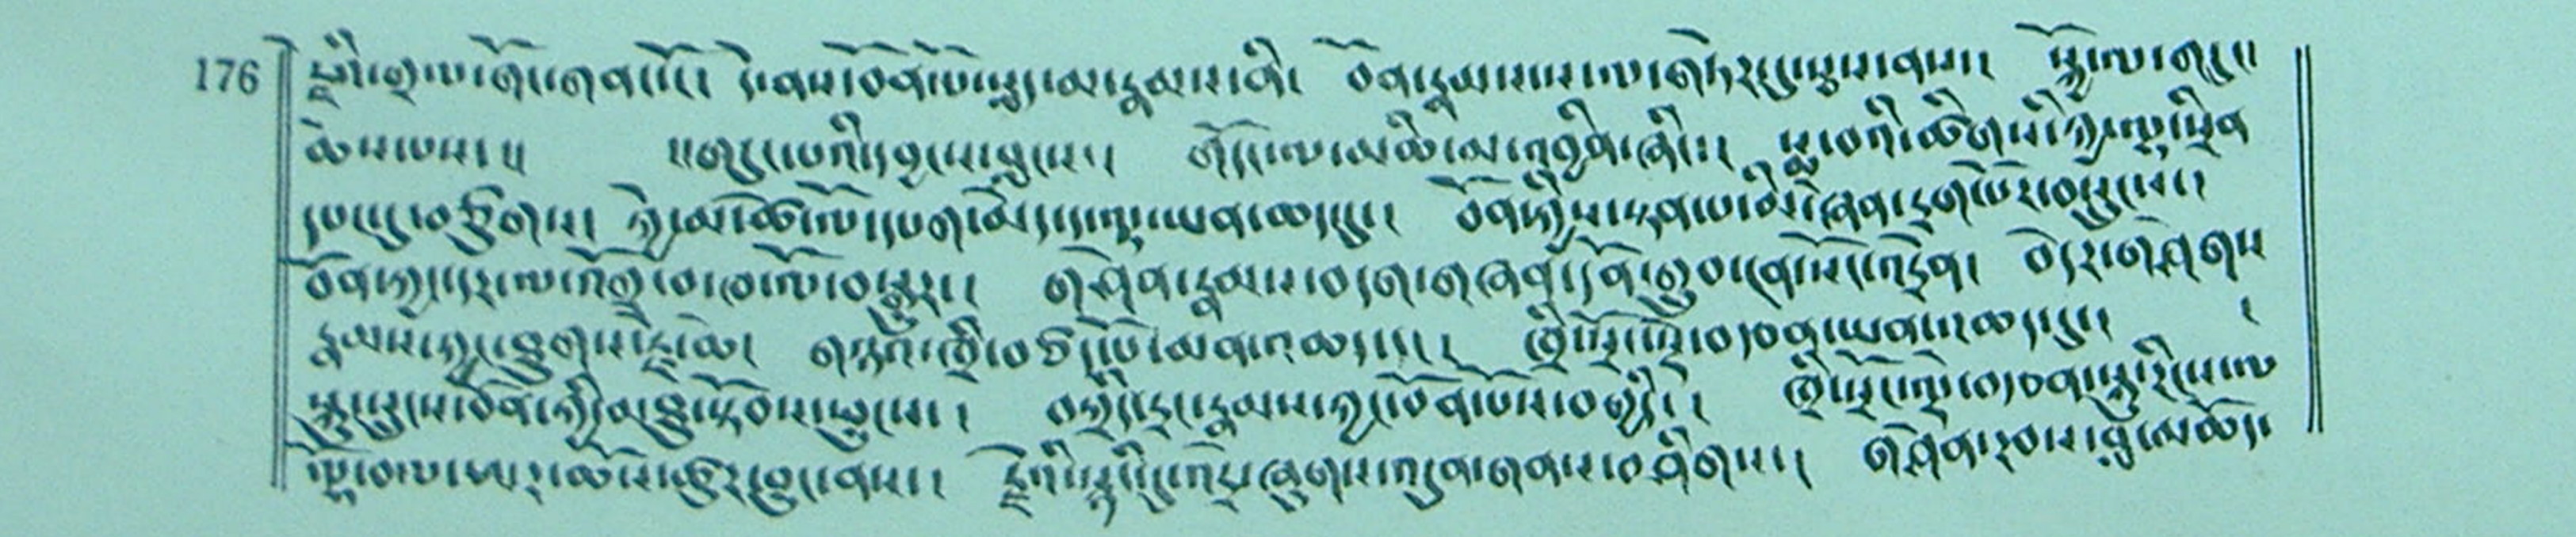རྗེའི་གྲལ་གོང་གནང་ངོ་། །དེ་ནས་བོན་པོ་སླད་མ་རྣམས་ནི། བོན་རྣམས་ས་ལ་གཏེར་དུ་སྦས་ནས། སྐྱོ་ལ་གདུང་
ཆེ་བས། གདུངས་པའི་དབྱངས་བླངས། གདོང་ལ་མཆི་མ་འབྱིན་ཅིང་། སྨྲ་བའི་ཚིག་གིས་ལྷ་སྲིན་
དཔང་དུ་བཙུགས་ནས། ཀྱེ་མ་ཚེ་ལོ་དཔག་མེད་ད་ལྟ་ཡན་ཆད་དུ་བོན་གྱི་བསྟན་པ་མི་ཞན་དྲག་པོར་བསྲུངས། 
བོན་ཀྱང་དར་ལ་འགྲོ་བ་ཁ་ལོ་བསྒྱུར། གཤེན་རྣམས་བདག་གཞན་དོན་སྒྲུབ་ངན་སོང་འདྲེན། བདེར་གཤེགས་
རྣམས་ཀྱང་ཐུགས་རྗེ་ཆེ། གཉའ་ཁྲི་བཙད་པོ་མན་ཆད་དང་། ཁྲི་སྲོང་ལྡེ་བཙན་ཡན་ཆད་དུ། 
སྐུ་བསྲུངས་བོན་གྱི་མཐུ་སྟོབས་ཕྱུངས། བཀྲིད་དྲང་རྣམས་ཀྱང་བོན་པོས་བགྱིད། ཁྲི་སྲོང་ལྡེ་བཙན་སྐུ་རིང་ལ། 
ལྷོ་བལ་ཨར་ཆོས་ཚུར་ཕྱུང་ནས། རྗེའི་སྙིང་དུ་འདྲེ་ཞུགས་འདུན་གནས་བཤིགས། གཤེན་རབས་བླ་མཆོད་